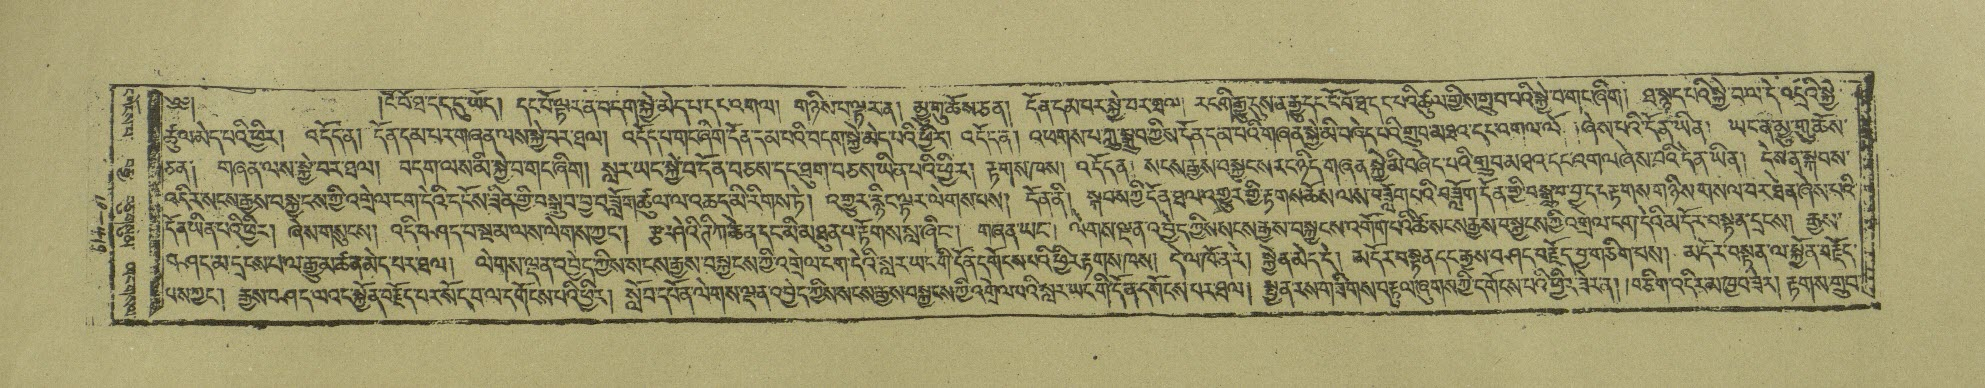༄༅། །ངོ་བོ་ཐ་དད་དུ་ཡོད། དང་པོ་ལྟར་ན་བདག་སྐྱེ་མེད་པ་དང་འགལ། གཉིས་པ་ལྟར་ན། མྱུ་གུ་ཆོས་ཅན། དོན་དམ་པར་སྐྱེ་བར་ཐལ། རང་གི་རྒྱུ་དུས་ན་རྒྱུ་དང་ངོ་བོ་ཐ་དད་པའི་ཚུལ་གྱིས་གྲུབ་པའི་སྐྱེ་བ་གང་ཞིག །ཐ་སྙད་པའི་སྐྱེ་བ་ལ་དེ་འདྲའི་སྐྱེ་
ཚུལ་མེད་པའི་ཕྱིར། འདོད་ན། དོན་དམ་པར་གཞན་ལས་སྐྱེ་བར་ཐལ། འདོད་པ་གང་ཞིག་དོན་དམ་པའི་བདག་སྐྱེ་མེད་པའི་ཕྱིར། འདོད་ན། འཕགས་པ་ཀླུ་སྒྲུབ་ཀྱིས་དོན་དམ་པའི་གཞན་སྐྱེ་མི་བཞེད་པའི་གྲུབ་མཐའ་དང་འགལ་ལོ། །ཞེས་པའི་དོན་ཡིན། ཡང་ན་མྱུ་གུ་ཆོས་
ཅན། གཞན་ལས་སྐྱེ་བར་ཐལ། བདག་ལས་མི་སྐྱེ་བ་གང་ཞིག །སླར་ཡང་སྐྱེ་བ་དོན་བཅས་དང་ཐུག་བཅས་ཡིན་པའི་ཕྱིར། རྟགས་ཁས། འདོད་ན། སངས་རྒྱས་བསྐྱངས་རང་ཉིད་གཞན་སྐྱེ་མི་བཞེད་པའི་གྲུབ་མཐའ་དང་འགལ་ཞེས་པའི་དོན་ཡིན། དེས་ན་སྐབས་
འདིར་སངས་རྒྱས་བསྐྱངས་ཀྱི་འགྲེལ་ངག་དེའི་དངོས་ཟིན་གྱི་བསྒྲུབ་བྱ་བཟློག་ཚུལ་ལ་འཆད་མི་རིགས་ཏེ། འགྱུར་རྙིང་ལྟར་ལེགས་པས། དོན་ནི། སྐབས་ཀྱི་དོན་ཐལ་འགྱུར་གྱི་རྟགས་ཆོས་ལས་བཟློག་པའི་བཟློག་དོན་གྱི་བསྒྲུབ་བྱ་དང་རྟགས་གཉིས་གསལ་བར་ཐོན་ཞེས་པའི་
དོན་ཡིན་པའི་ཕྱིར། ཞེས་གསུངས། འདི་བཤད་པ་སྔ་མ་ལས་ལེགས་ཀྱང་། རྩ་ཤེའི་ཊིཀ་ཆེན་དང་མི་མཐུན་པ་རྟོགས་སླ་ཞིང་། གཞན་ཡང་། ལེགས་ལྡན་འབྱེད་ཀྱིས་སངས་རྒྱས་བསྐྱངས་འགོག་པའི་ཚེ་སངས་རྒྱས་བསྐྱངས་ཀྱི་འགྲེལ་ངག་དེའི་མདོར་བསྟན་དྲངས། རྒྱས་
བཤད་མ་དྲངས་པ་ལ་རྒྱུ་མཚན་མེད་པར་ཐལ། ལེགས་ལྡན་འབྱེད་ཀྱིས་སངས་རྒྱས་བསྐྱངས་ཀྱི་འགྲེལ་ངག་དེའི་སླར་ཡང་གི་དོན་དགོངས་པའི་ཕྱིར་རྟགས་ཁས། དེ་ལ་ཁོ་ན་རེ། སྐྱོན་མེད་དེ། མདོར་བསྟན་དང་རྒྱས་བཤད་བརྗོད་བྱ་གཅིག་པས། མདོར་བསྟན་ལ་སྐྱོན་བརྗོད་
པས་ཀྱང་། རྒྱས་བཤད་ལའང་སྐྱོན་བརྗོད་པར་སོང་བ་ལ་དགོངས་པའི་ཕྱིར། སློབ་དཔོན་ལེགས་ལྡན་འབྱེད་ཀྱིས་སངས་རྒྱས་བསྐྱངས་ཀྱི་འགྲེལ་བའི་སླར་ཡང་གི་དོན་དགོངས་པར་ཐལ། སྤྱན་རས་གཟིགས་བརྟུལ་ཞུགས་ཀྱི་དགོངས་པའི་ཕྱིར་ཟེར་ན། ཁ་ཅིག་འདིར་མ་ཁྱབ་ཟེར། རྟགས་གྲུབ་